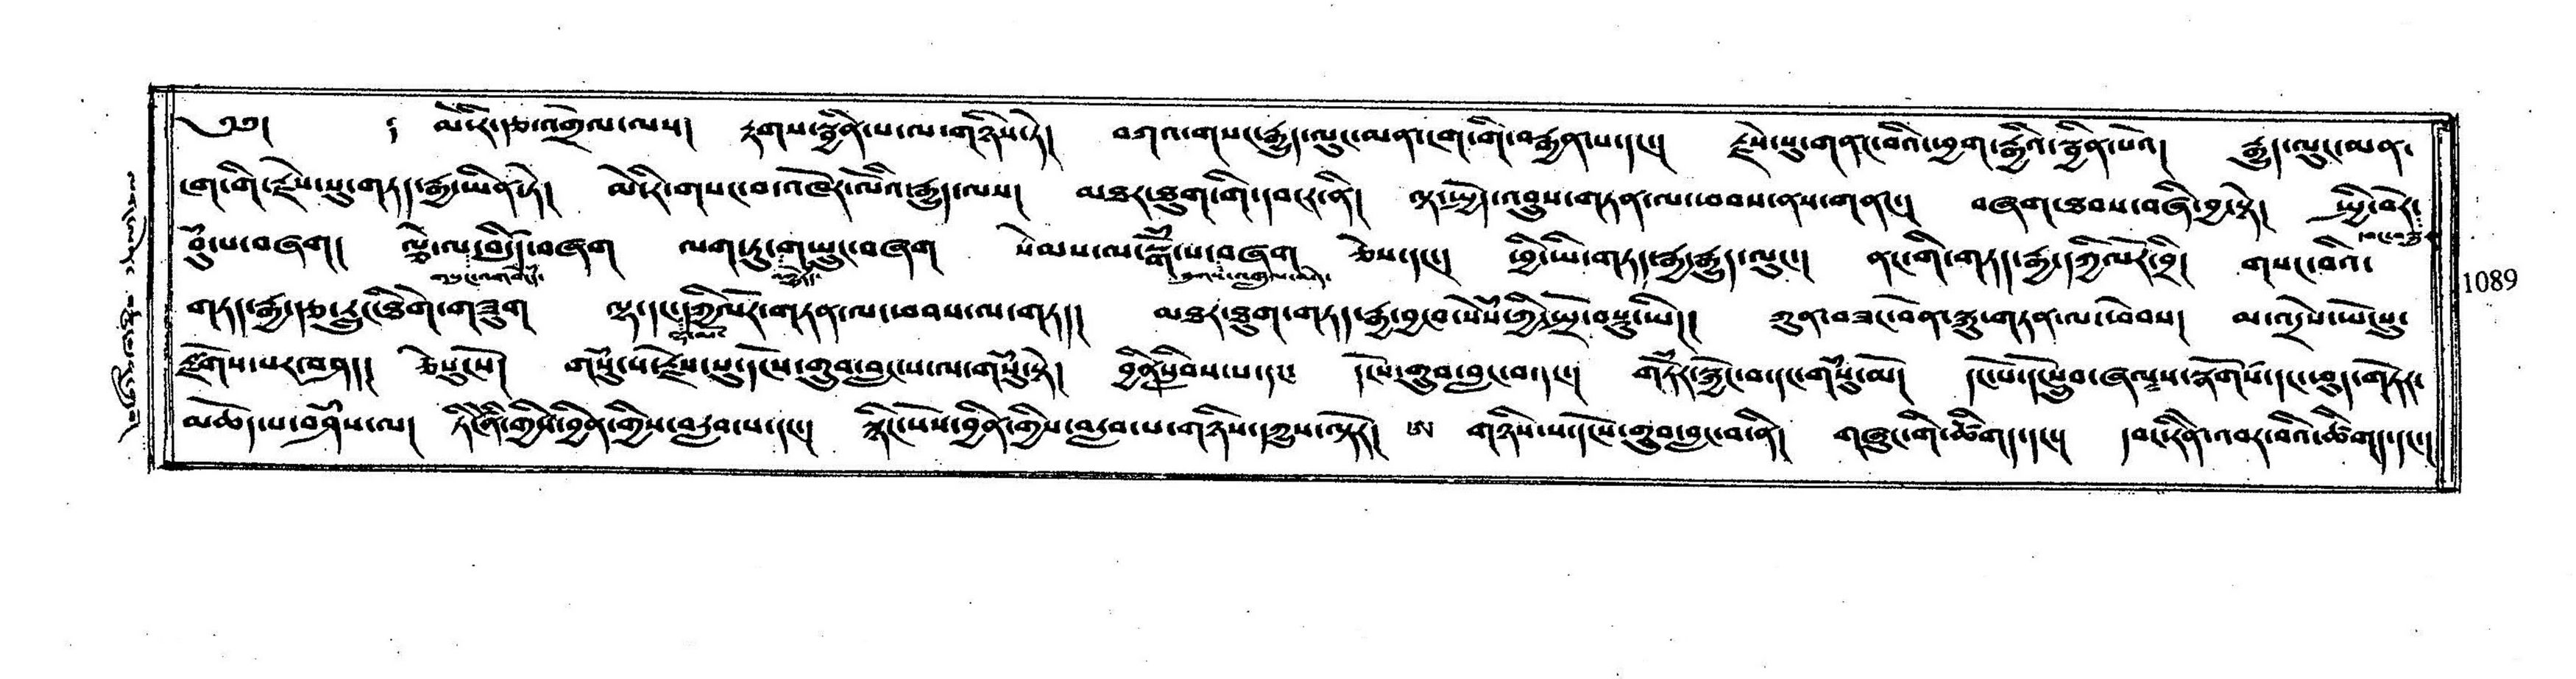མེ་རི་རྩ་འགྲེལ་ལས། རྟགས་སྦྱིན་པ་ལ་གཉིས་ཏེ། བཀའ་གསང་རྒྱུད་ལུང་མན་ངག་གི་བརྒྱན་པ་དང་། རྗེས་སུ་གནང་བའི་ཕྱག་རྒྱའི་སྦྱིན་པའོ། རྒྱུད་ལུང་མན་
ངག་གི་རྗེས་སུ་གཏད་རྒྱ་ཡིན་ཏེ། མེ་རི་གསང་བ་འཁོར་ལོའི་རྒྱུད་ལས། མཐར་ཐུག་གི་དབང་བསྐུར་ནི། ལྟ་སྤྱོད་འབྲས་བུ་གཏན་ལ་ཕབ་ནས་གནང་། བཞག་ཐབས་བཞི་བྱ་སྟེ། སྤྱི་བོར་
དབང་བསྐུར་བུམ་པ་བཞག ལྕེ་ལ་གསུང་འགག་མེད་བདུད་རྩི་བཞག ལག་ཏུ་འགྱུར་མེད་གཡུང་དྲུང་བཞག སེམས་ལ་སྒོམ་པ་ཐུགས་འཁྲུལ་མེད་བཞག ཅེས་དང་། ཕྱི་ཡི་གཏད་རྒྱ་རྒྱུད་ལུང་། ནང་གི་གཏད་རྒྱ་དཀྱིལ་འཁོར་བྲི། གསང་བའི་
གཏད་རྒྱ་རྩ་རླུང་ཐིག་ལེ་གཟུག ལྷ་དང་ལྷ་མོ་དཀྱིལ་འཁོར་གཏན་ལ་ཕབས་ལ་གཏད། མཐར་ཐུག་གཏད་རྒྱ་བྱང་ཆུབ་སེམས་ཀྱི་སྤྲོ་བསྡུ་ཡི།། ཀུན་བཟང་བོན་སྐུ་གཏན་ལ་ཕེབས། མ་འདྲེས་ཡོངས་སུ་
རྫོགས་པར་བཤད། ཅེས་གསུངས་སོ། གསུམ་པ་རྗེས་སུ་དངོས་གྲུབ་བླང་པ་ལ་གསུམ་སྟེ། བྱིན་གྱིས་བརླབས་པ་དང་དངོས་གྲུབ་བླང་བ་དང་། གཏོར་མ་སྐྱོང་བ་དང་གསུམ་མོ། དང་པོ་དངོས་གྲུབ་ཞལ་ཟས་སྣ་ཚོགས་དང་ཕུད་གཏོར་
མཆོད་པ་བཤམས་ལ། ཏིང་ངེ་འཛིན་གྱིས་བྱིན་གྱིས་བརླབ་པ་དང་། སྙིང་པོས་བྱིན་གྱིས་བརླབ་པ་གཉིས་དཀྱུས་ལྟར་རོ། ཨ གཉིས་པ་དངོས་གྲུབ་བླང་བ་ནི། གཞུང་གི་ཚིག་བཤད་དང་། དབང་རིན་ཆེན་འབར་བའི་ཚིག་བཤད་དང་།